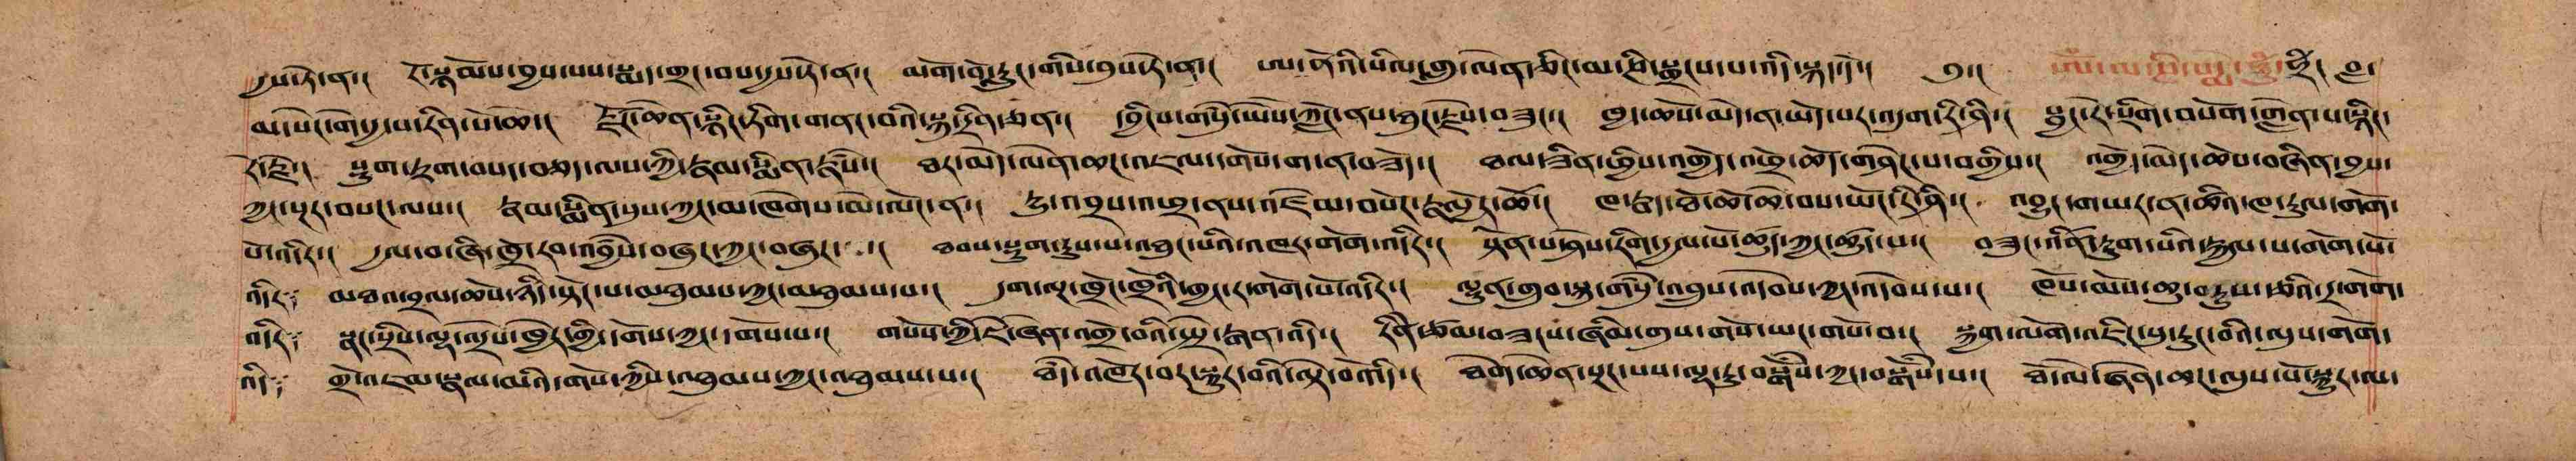རྒྱས་ཏེ་ན། རོ་སྙོམས་བྱས་པས་སྨད་གྲང་བས་རྒྱས་ཏེ་ན། མགོ་བོ་རླུང་གིས་བུས་རེ་ན། ཨ་ནོའི་སིལ་གྲུ་ལེན་ཅིང་མ་ཎི་སྒྲངས་པ་འདི་སྐད་དོ། ༄་། ཨོཾ་མ་ཎི་པདྨེ་ཧཱུཾ་ཧྲི། བླ་
མ་སེང་གེ་རྒྱ་པ་རིན་པོ་ཆེ། རྫོགས་ཆེན་སྙིང་ཏིག་གནང་བའི་སྐུ་དྲིན་ཅན། དབྱིངས་གསུམ་ཡེ་ཤེས་ཀློང་ནས་ཐུགས་རྗེ་བཟུང་། ཁྱད་ཆོས་མེད་ན་ཡོད་པར་འདུག་རི་ཤི། སྦྱང་རེ་སྡིག་བསོག་གླེན་པ་སྙིང་
རེ་རྗེ། སྡུག་རྟག་བསད་བཅད་ལས་ཀྱི་རྣམ་སྨིན་རྣམས། ཐར་མེད་ལེན་ཆགས་འཇལ་དགོས་ག་ན་བཟོད། ཐལ་ཟིན་ཕྱིས་འགྱོད་འཕྲོ་ཆོད་གཤེགས་པ་བགྱིས། འགྱོད་མེད་ཆོས་བཞིན་བྱས་
ཀྱང་སྔར་བསང་ལས། རྣམ་སྨིན་སུས་ཀྱང་མ་ཁེགས་མེ་ལོང་ན། རྒྱུ་འབྲས་འཕྲ་ནས་འཛེམ་བསོགས་རྣལ་འབྱོར་ཚེ། ཁ་རྦད་ཐོ་ཆོ་ཆེ་བས་ཡོང་རི་ཤི། འབྱུང་གཡར་ན་ཚིག་ཁ་རྡུལ་གོག་
པོ་འདིར། རྒྱལ་བ་ཞི་ཁྲོ་རབ་འབྱམས་བཞུགས་ཀྱང་བཞུང་། ཐབས་སྡུག་རྒྱུས་པ་འཐུང་བའི་འཁར་གོག་འདིར། སྟོན་པ་ཤེས་རིག་རྒྱལ་པོ་ཚུད་ཀྱང་ཚུད་པ། བཟུང་འཛིན་རྡུག་པའི་རྐྱལ་པ་གོག་པོ་
འདིར༑ མཐའ་བྲལ་ཆོས་ཉིད་སྟོང་པ་འཐུམས་ཀྱང་འཐུམས་པ། དུག་ལྔ་ཁང་ཁྲོང་ཁྲོའི་གྱང་ར་གོག་པོ་འདིར། ལྷུན་གྲུབ་སྐུ་གསུམ་འབྲས་བུས་འདེབས་ཀྱང་འདེབས་པ། ཁོས་མོས་ཆུ་བརྒྱུས་རྩའི་དྲ་གོག་
འདིར༑ སྣང་སྲིད་ལྷ་འདྲེས་ཁྱེར་གྱི་དགོས་ཀྱང་དགོས་པ། གསོས་ཀྱི་ཇེ་ཞེན་འགྲོ་བའི་སྤྲེ་རྒན་འདི། རིན་ཆེན་ཙམ་བཟངས་ཞིམ་གུས་གསོ་ཡང་གསོ་བ། སྐྱག་ལོ་འཇིགས་སུ་རུང་བའི་ལུས་གོག་
འདི༑ གྲོ་འཇམ་སྣལ་མའི་གོས་ཀྱིས་འཐུམས་ཀྱང་འཐུམས་པ། ཐམས་ཅད་འཁོར་བར་སྐྱུར་བའི་ལྟེ་བོ་འདི། ཐེག་ཆེན་སྔགས་པས་ལྷ་རུ་བསྒོམས་ཀྱང་བསྒོམས་པ། ཐོ་ལེ་ཞེན་ཆགས་ལུས་པོ་སྐྱུར་ལ་